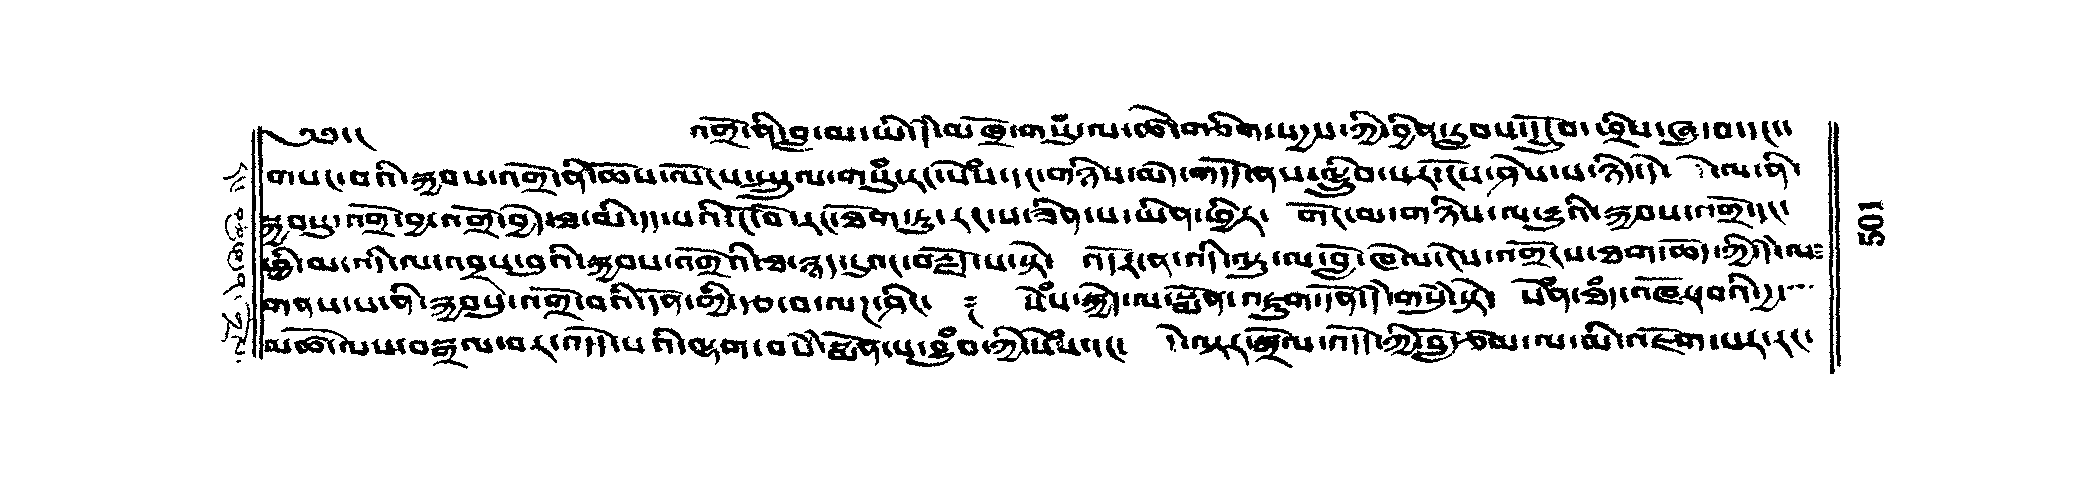འགྲོ་ནི་བླ་མ་ཡི་དམ་མཁའ་འགྲོ་གསུམ་ལ་1$10002501$1000180ཚེ་གཅིག་སངས་རྒྱས་ཀྱི་བྱིན་རླབས་དངོས་གྲུབ་འཕྲིན་ལས་ཞུ་བ་དང་། 
གསང་བའི་སྐྱབས་འགྲོ་ནི་ཆོས་ལོངས་སྤྲུལ་གསུམ་རང་སེམས་དང་གཉིས་མེད་གདོད་ནས་ལྷུན་གྱིས་གྲུབ་པར་ངོ་ཤེས་པ་ཉིད་དེ། །དེ་ལ་ནི་
སྐྱབས་སུ་འགྲོ་བྱ་འགྲོ་བྱེད་ཐ་མི་དད་པའི་ངོ་བོ་རང་ཐོག་ཏུ་རང་ས་ཟིན་པར་ཡིན་ཕྱིར། གོང་མ་གཉིས་ལ་རྒྱུའི་སྐྱབས་འགྲོ་དང་
ཕྱི་མ་འདི་ལ་འབྲས་བུའི་སྐྱབས་འགྲོའི་ཐ་སྙད་དུའང་བརྗོད་པ་སྟེ། མདོར་ན་འདི་ལྟ་བུ་ལ་བློ་ཁེལ་ངེས་འདྲོངས་ཐག་ཆོད་ཀྱི་དམ་ལ་
གནས་པ་ནི་སྐྱབས་སུ་འགྲོ་བའི་དོན་གྱི་རྩ་བ་ལགས་ཤིང་། སེམས་བསྐྱེད་ལ་སྨོན་འཇུག་དོན་དམ་གསུམ་སྟེ། སེམས་ཅན་ཐམས་ཅད་འཁོར་བའི་རྒྱ་
མཚོ་ལས་བསྒྲལ་བར་འདོད་པའི་ལྷག་བསམ་སྨོན་པ་བྱང་ཆུབ་ཀྱི་སེམས་དང་། དེ་ལྟར་སྒྲོལ་འདོད་ཀྱི་བློ་ཙམ་ལ་མི་འཇོག་པར་རང་